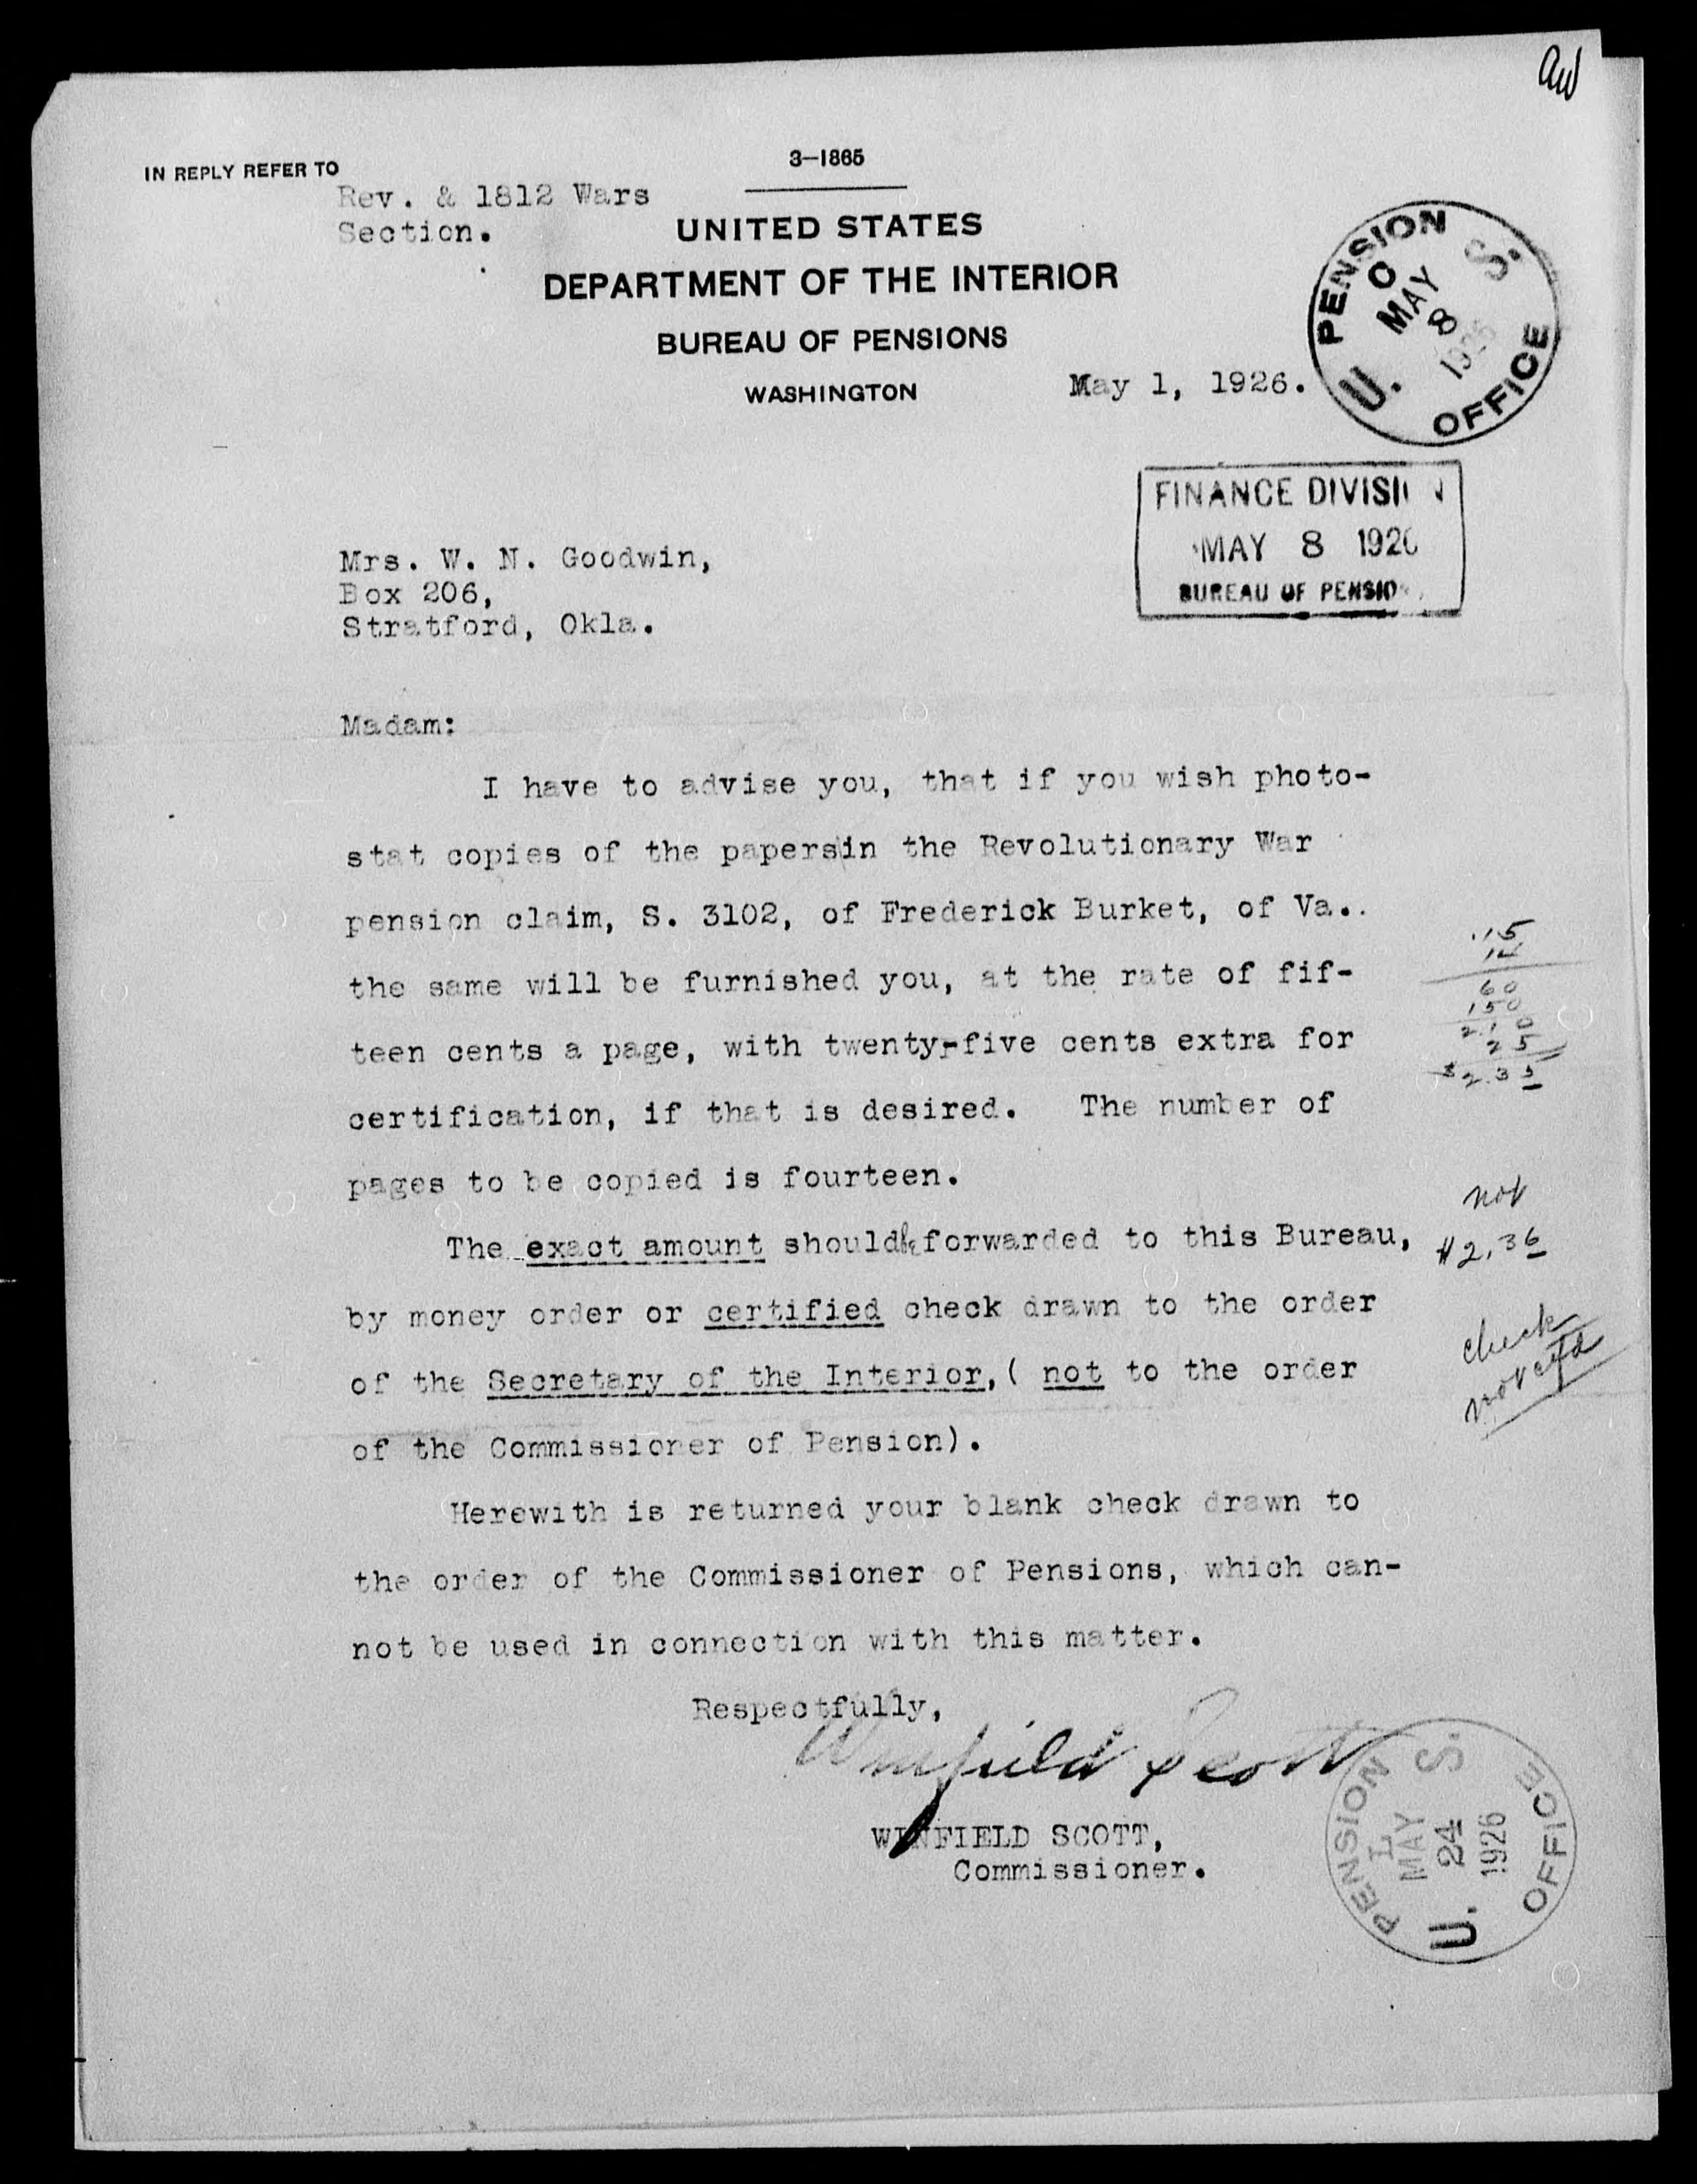IN REPLY TO			AW

3-1865
Rev. & 1812 Wars
Section.

UNITED STATES
DEPARTMENT OF THE INTERIOR
BUREAU OF PENSIONS
WASHINGTON
May 1, 1926.

(Postal stamp): 
U.S. Pension Office
O
May 8 1926

(STAMP): FINANCE DIVISION
MAY 8 1926
Bureau of Pensions

Mrs. W. N. Goodwin,
Box 206,
Stratford, Okla.

Madam: 
I have to advise you, that if you wish photostat copies of the papersin (sic) the Revolutionary War pension claim, S. 3102, of Frederick Burket, of Va.. the same will be furnished you, at the rate of fifteen cents a page, with twenty-five cents extra for certification, if that is desired.  The number of pages to be copied is fourteen.

(handwritten to the side):
 .15
 14
 60
150
210
 25
$2.35

Not $2.36
Check rejected

The exact amount shouldbeforwarded (sic) to this Bureau, by money order or certified check drawn to the order of the Secretary of the Interior, (not to the order of the Commissioner of Pension).

Herewith is returned your blank check drawn to the order of the Commissioner of Pensions, which can not be used in connection with this matter.

Respectfully,

Winfield Scott
WINFIELD SCOTT,
Commissioner.

(Postal stamp)
U. S. Pension Office
L
May 24 1926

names: Winfield Scott, Winfield Scott, W N Goodwin, Frederick Burket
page: 46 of 47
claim: survivor's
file: S. 3102, Frederick Burket, Va.